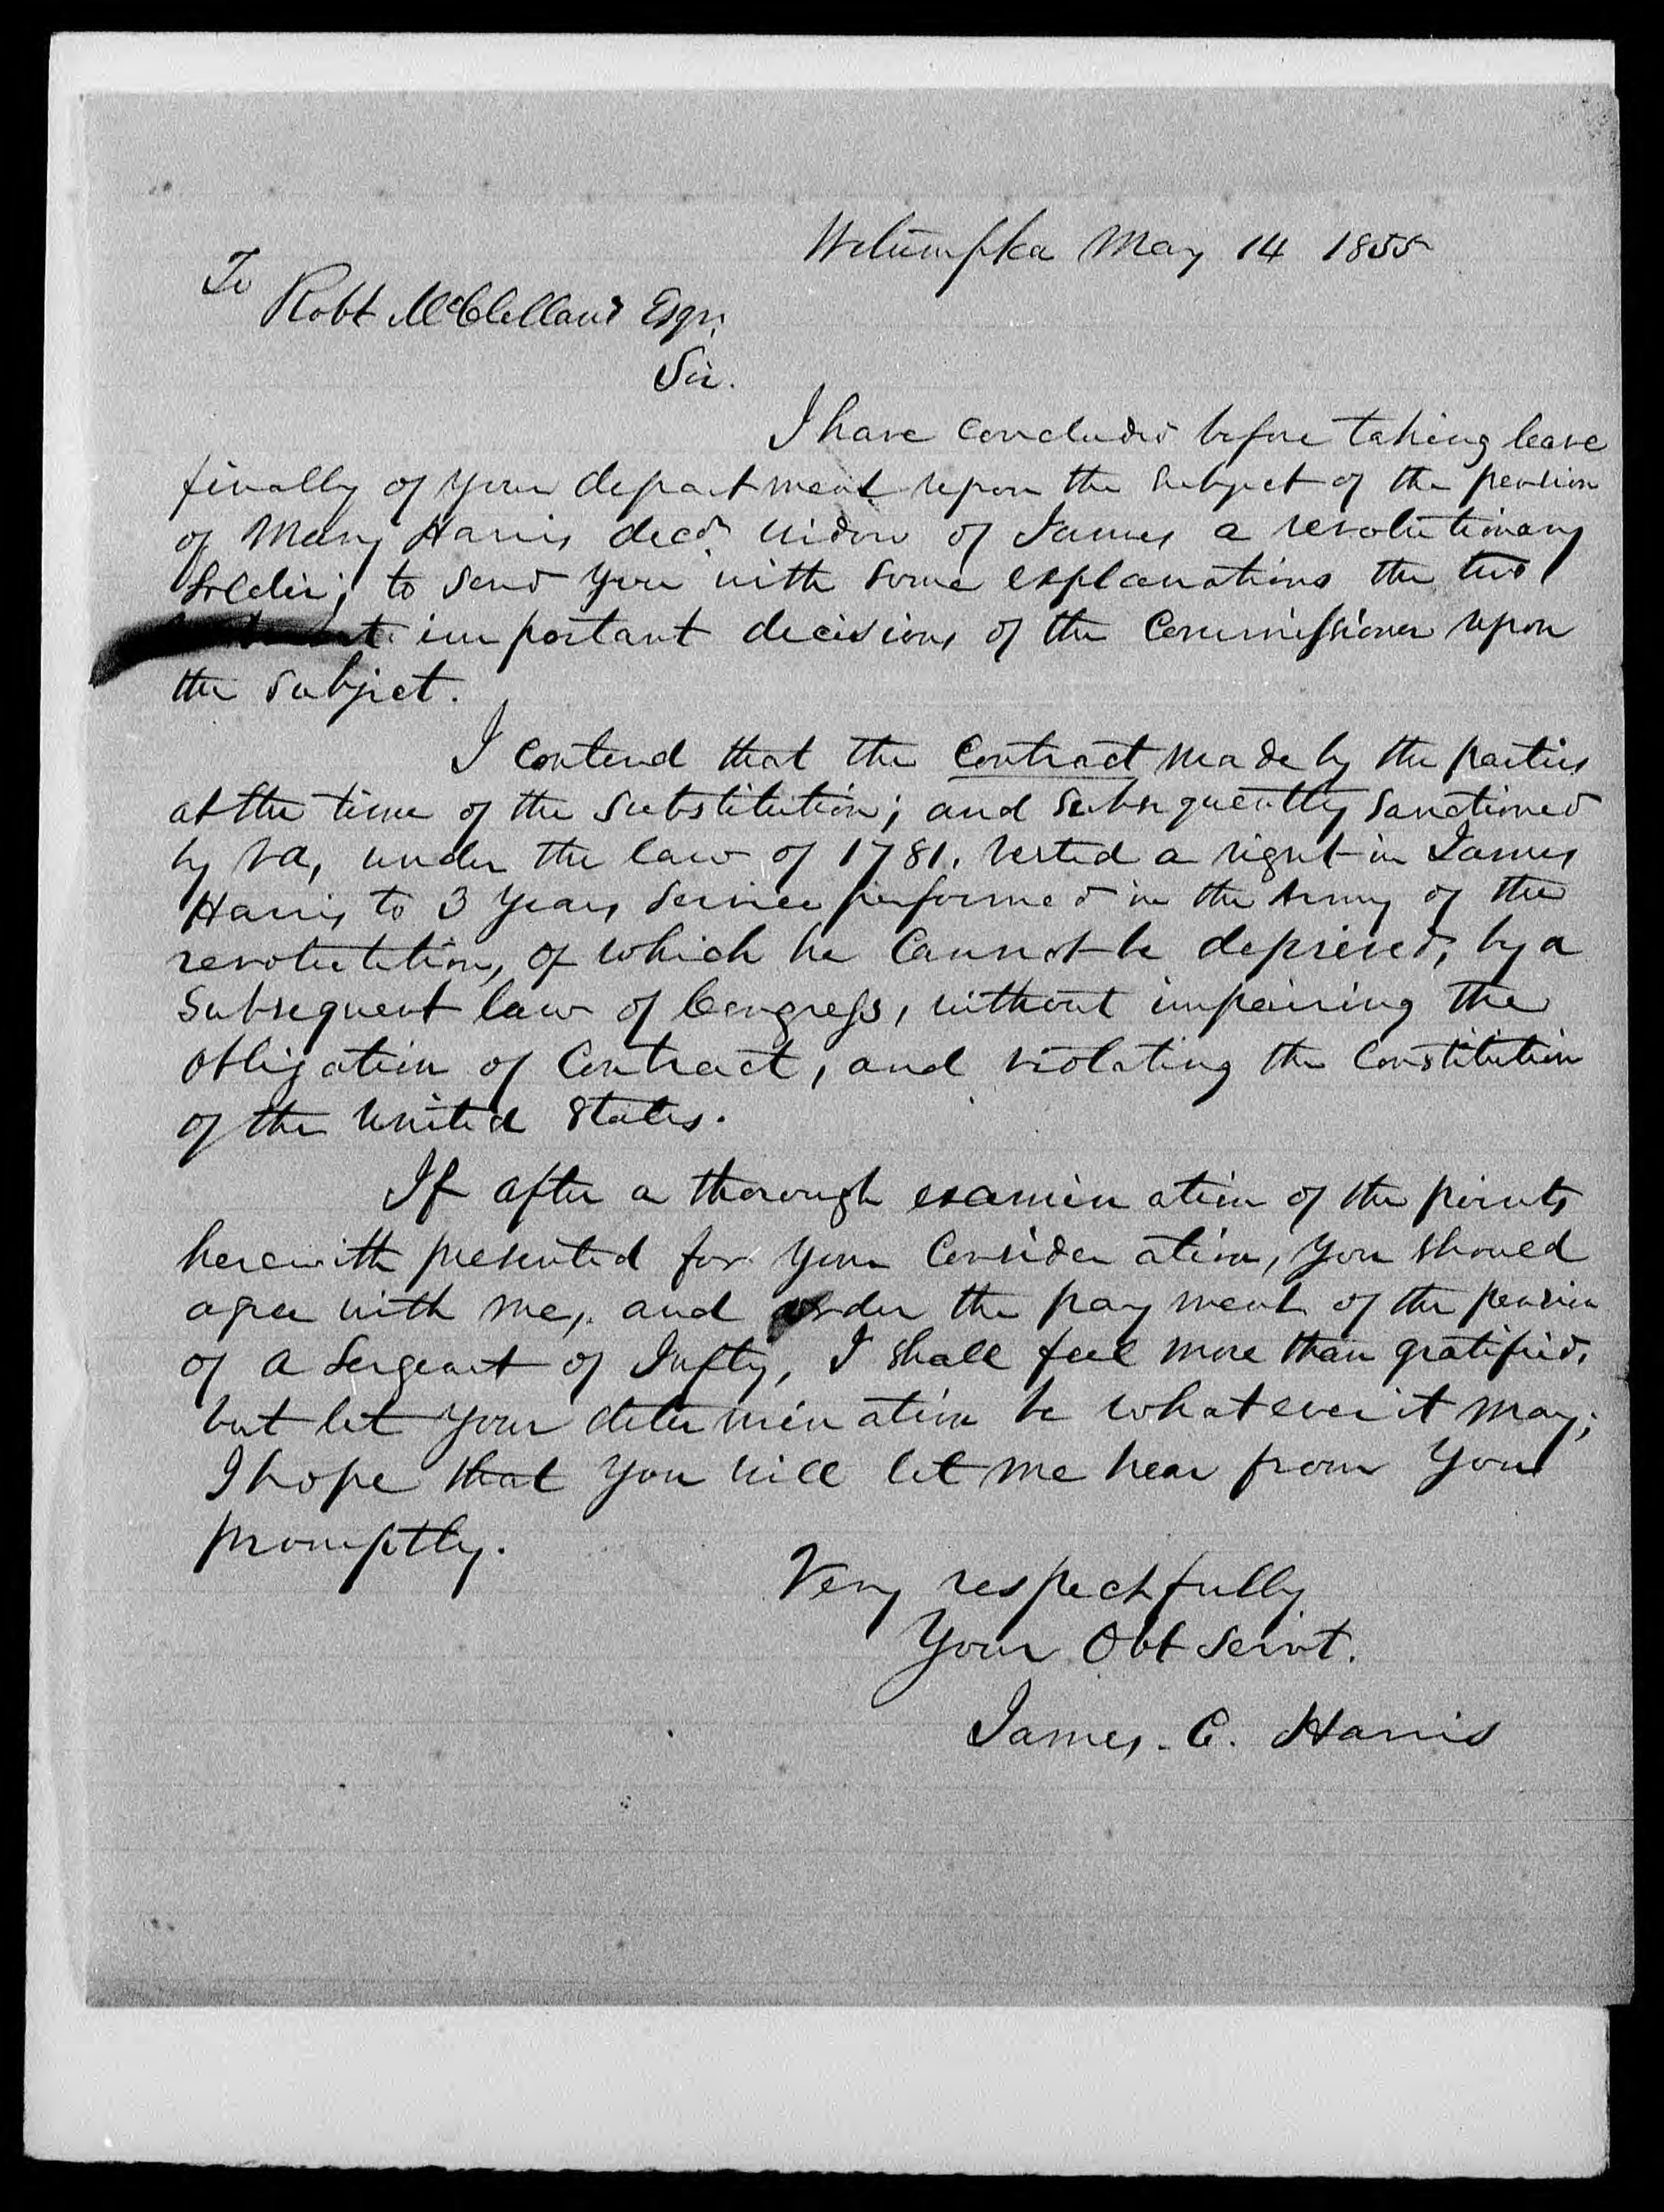Wetumpka  May 14 1855

To Robt McClellan Esqr.
     SIr
   I  have concluded before taking leave finally of your department upon the subject of the pension of Mary Harris decd widow of James a revolutionary soldier, to send you with some explanations to two important decisions of the Commissioner upon the subject.
   I contend that the contract made by the parties at the time of the substitution, and subsequently sanctioned by Va, under the law of 1781, vested a right in James Harris to 3 years service performed in the Army of the revolutition [sic], of which he cannot be deprived, by a subsequent law of Congress, without impairing the obligation of Contract, and violating the Constitution of the United States.
   If after a thorough examination of the points herewith presented for your consideration, you should agree with me, and order the payment of the pension of a Sergeant of Infty, I shall feel more that gratified, but let your determination be whatever it may, I hope that you will let me hear from you promptly.
          Very respectfully,
             Your Obt Servt
               James C. Harris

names: James Harris, Robt Mc Clelland, James C Harris, Mary Harris, James Harris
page: 32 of 160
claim: rejected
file: R. 4666, James Harris, Va.